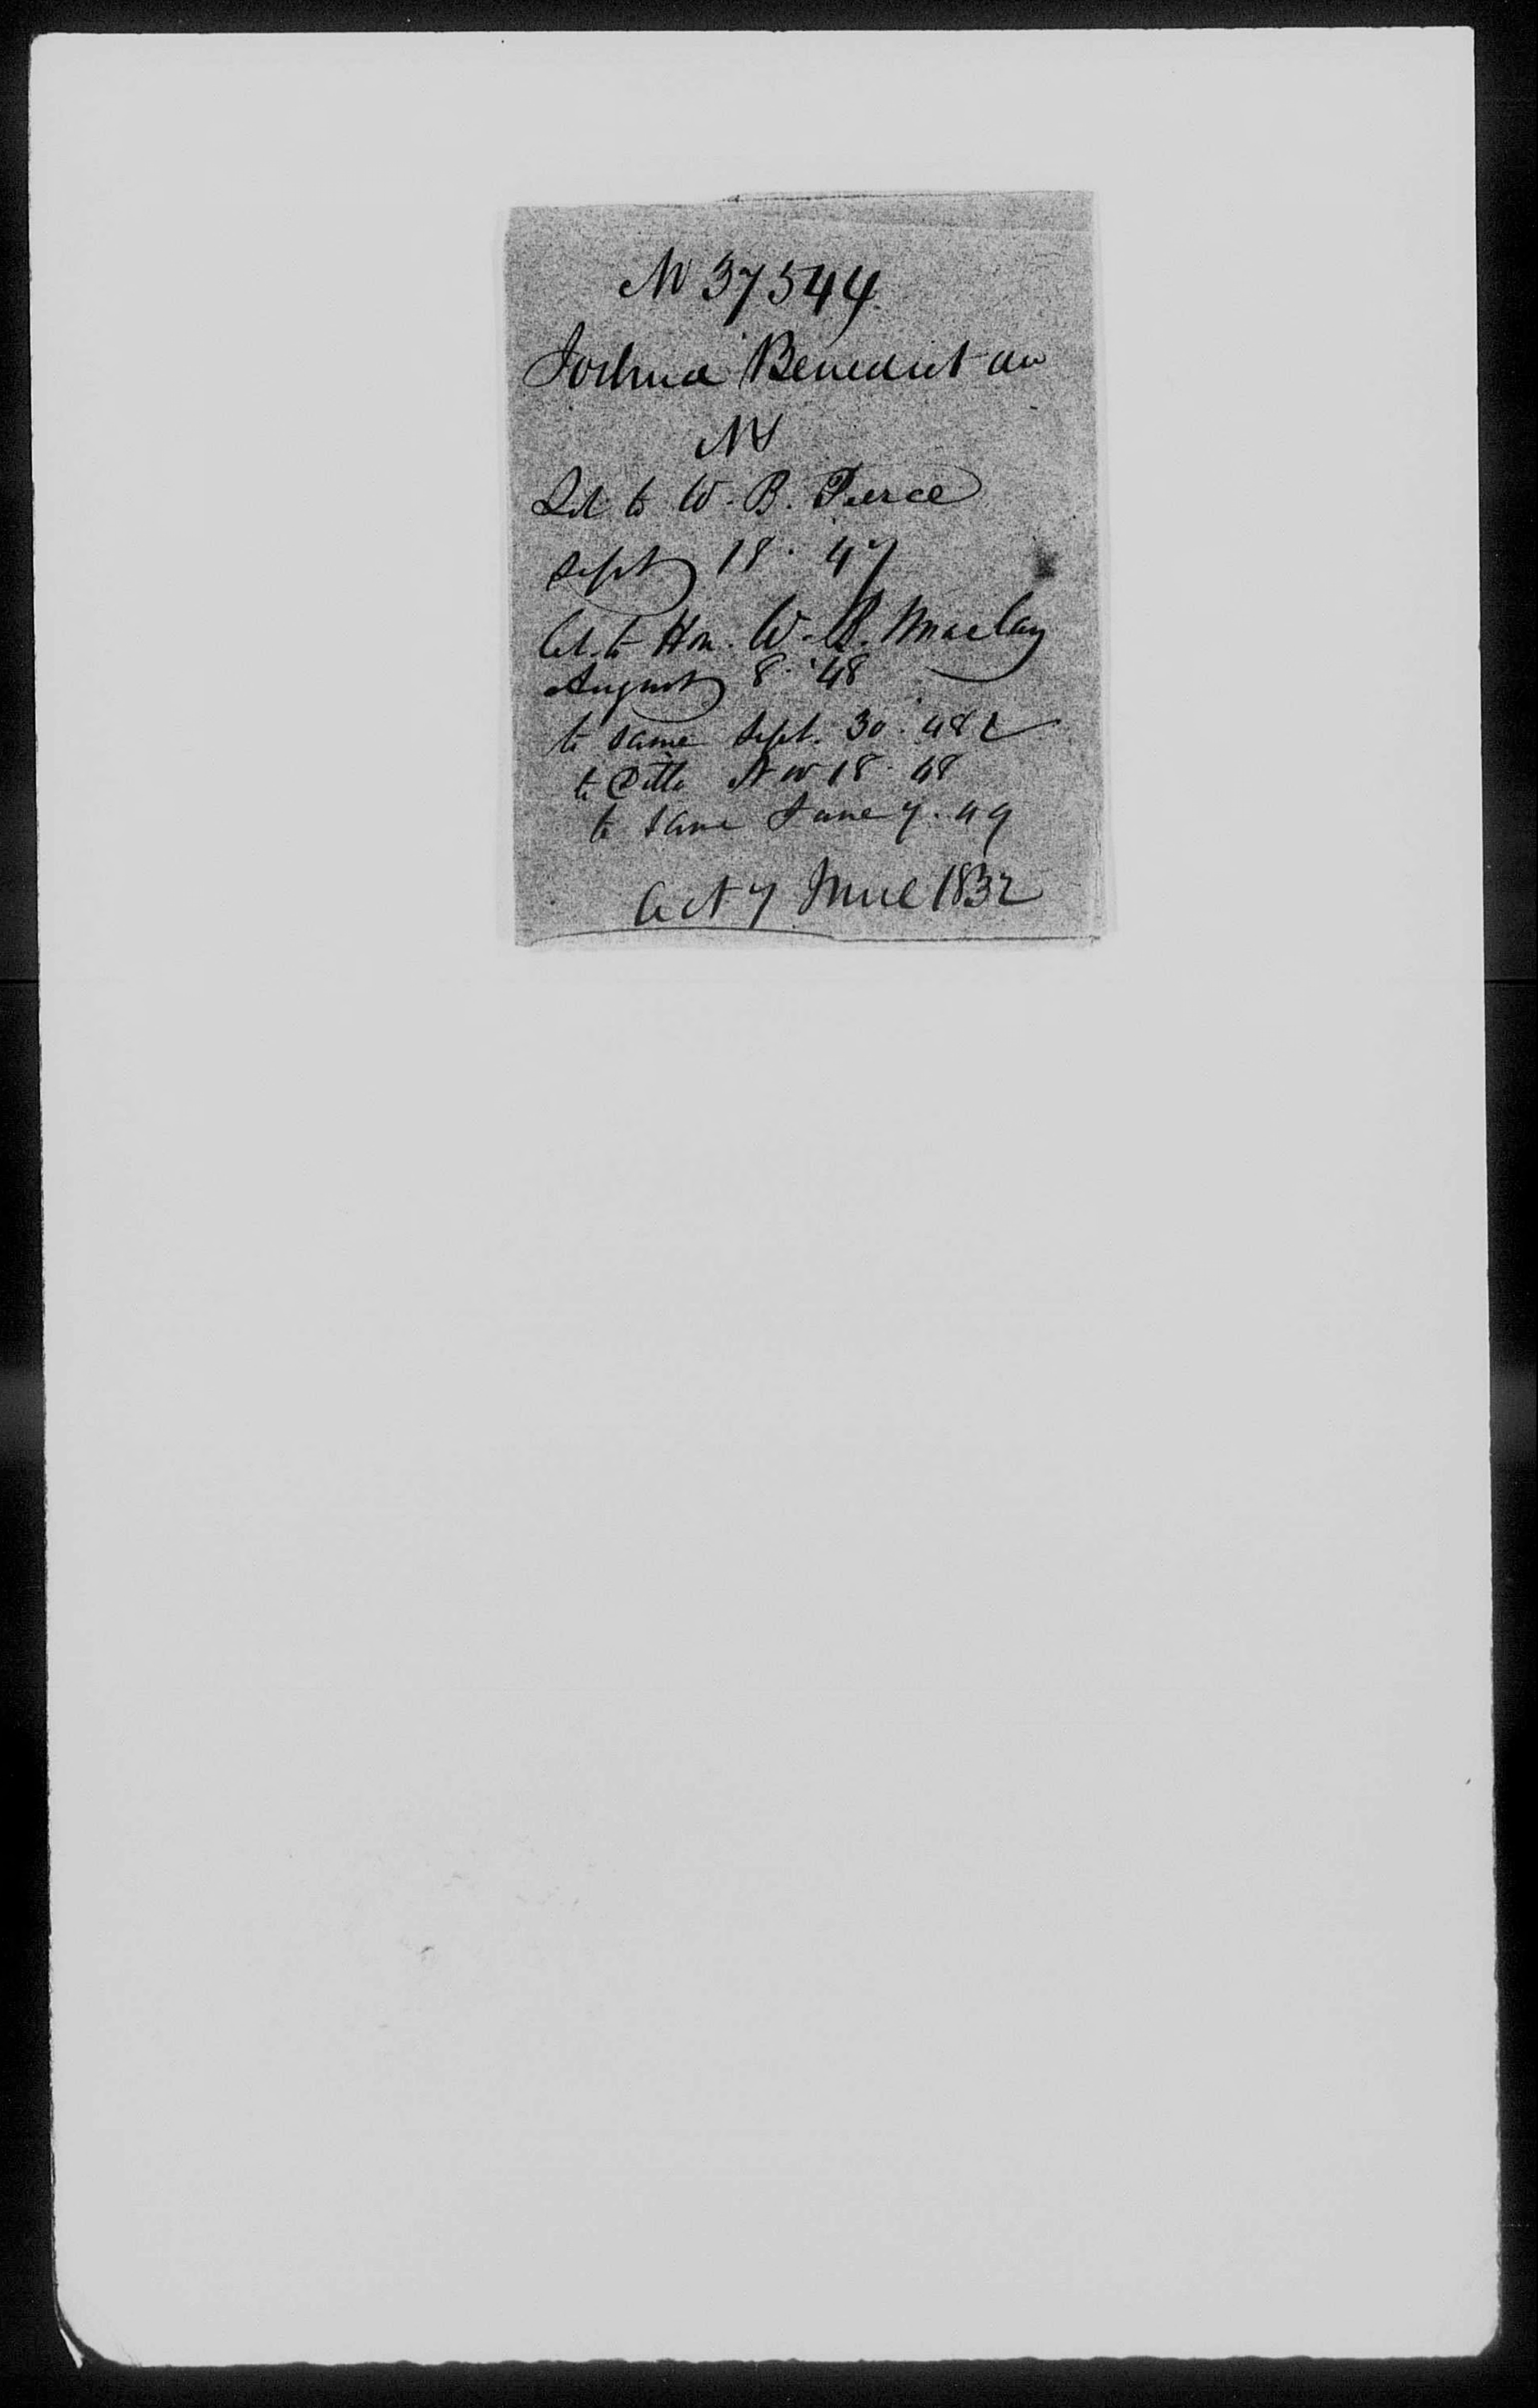No 37544.
Joshua Benedict decd
NY
Let to W. B. Pierce
Sept 18. '49
Let to Hon. W. B. Maclay
August 8. '48
to same Sept. 30. '48 [illegible]
to Ditto Nov 18. 48
to same June 7. 49

Act 7 June 1832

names: W B Maclay, W B Pierce, Joshua Benedict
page: 20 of 106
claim: survivor's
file: S 23,116., Joshua Benedict, Conn.